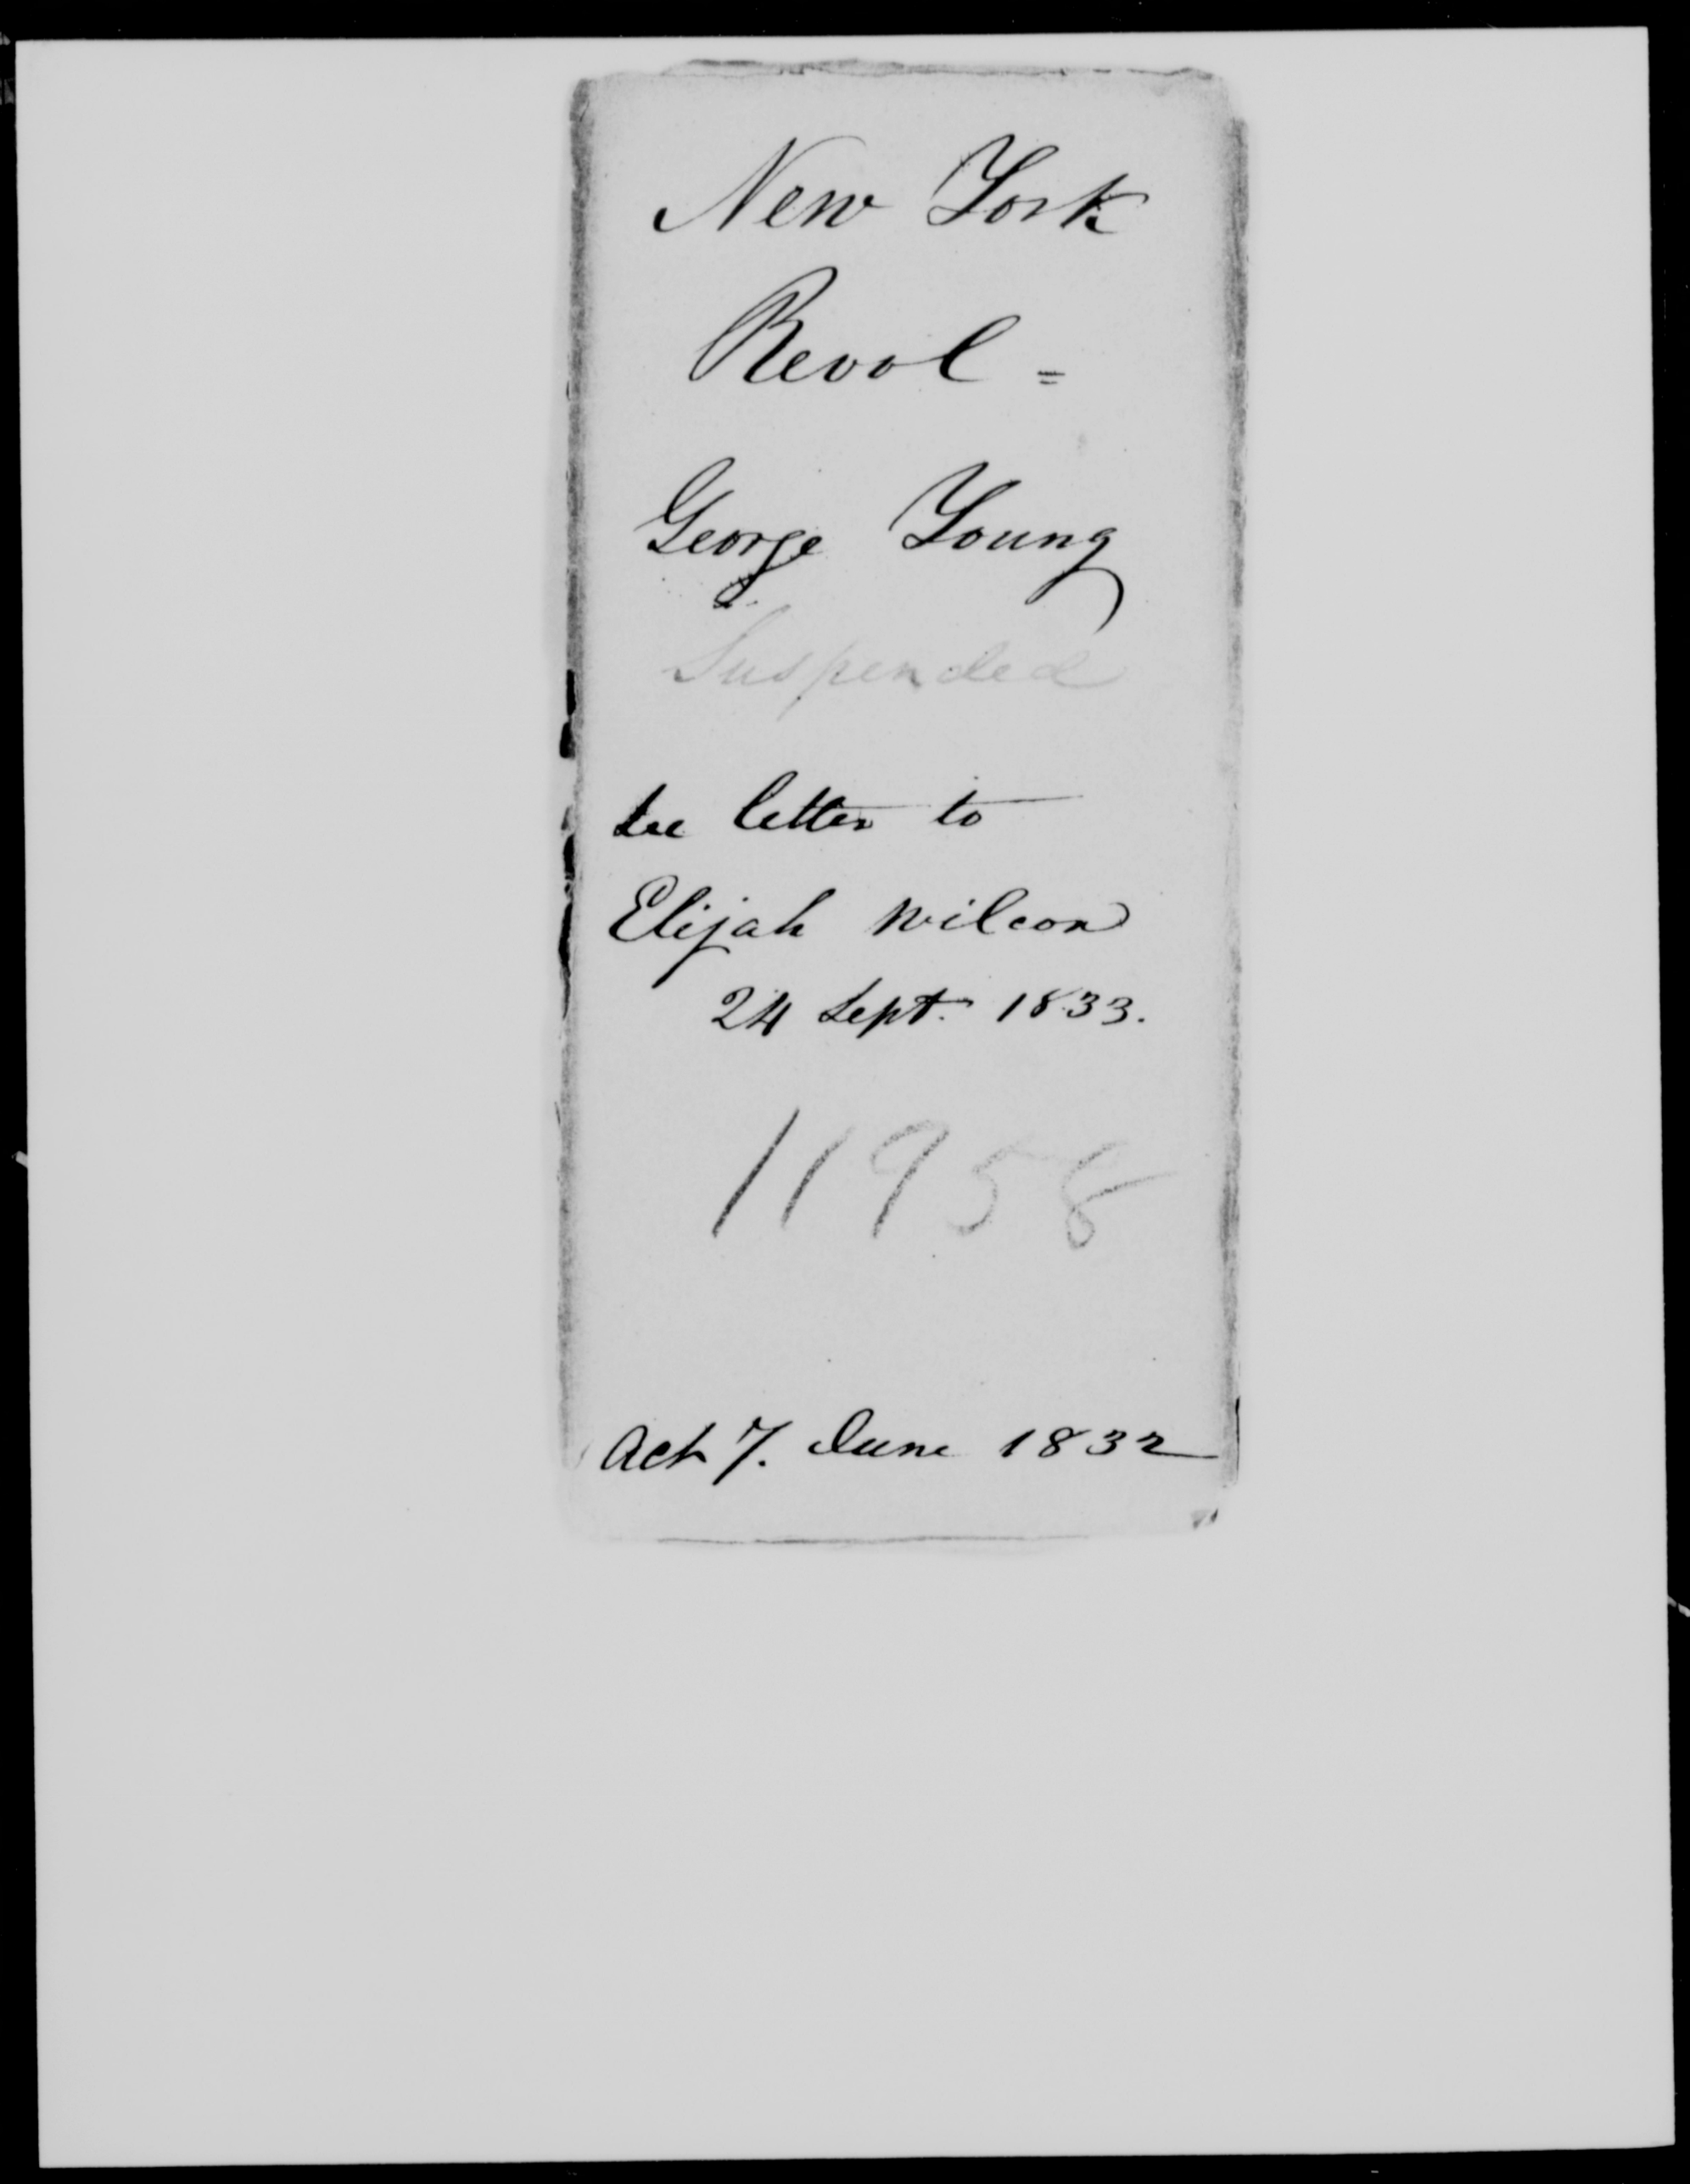New Yorkk
Revol
George
Young
Suspended
be letter to ┃
Elijah Wilcon
24 Sept. 1833.
11958
Act 7. June 1832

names: George Young, Elijah Wilcox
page: 42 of 67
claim: widow's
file: W. 7379, George Young, New Jersey